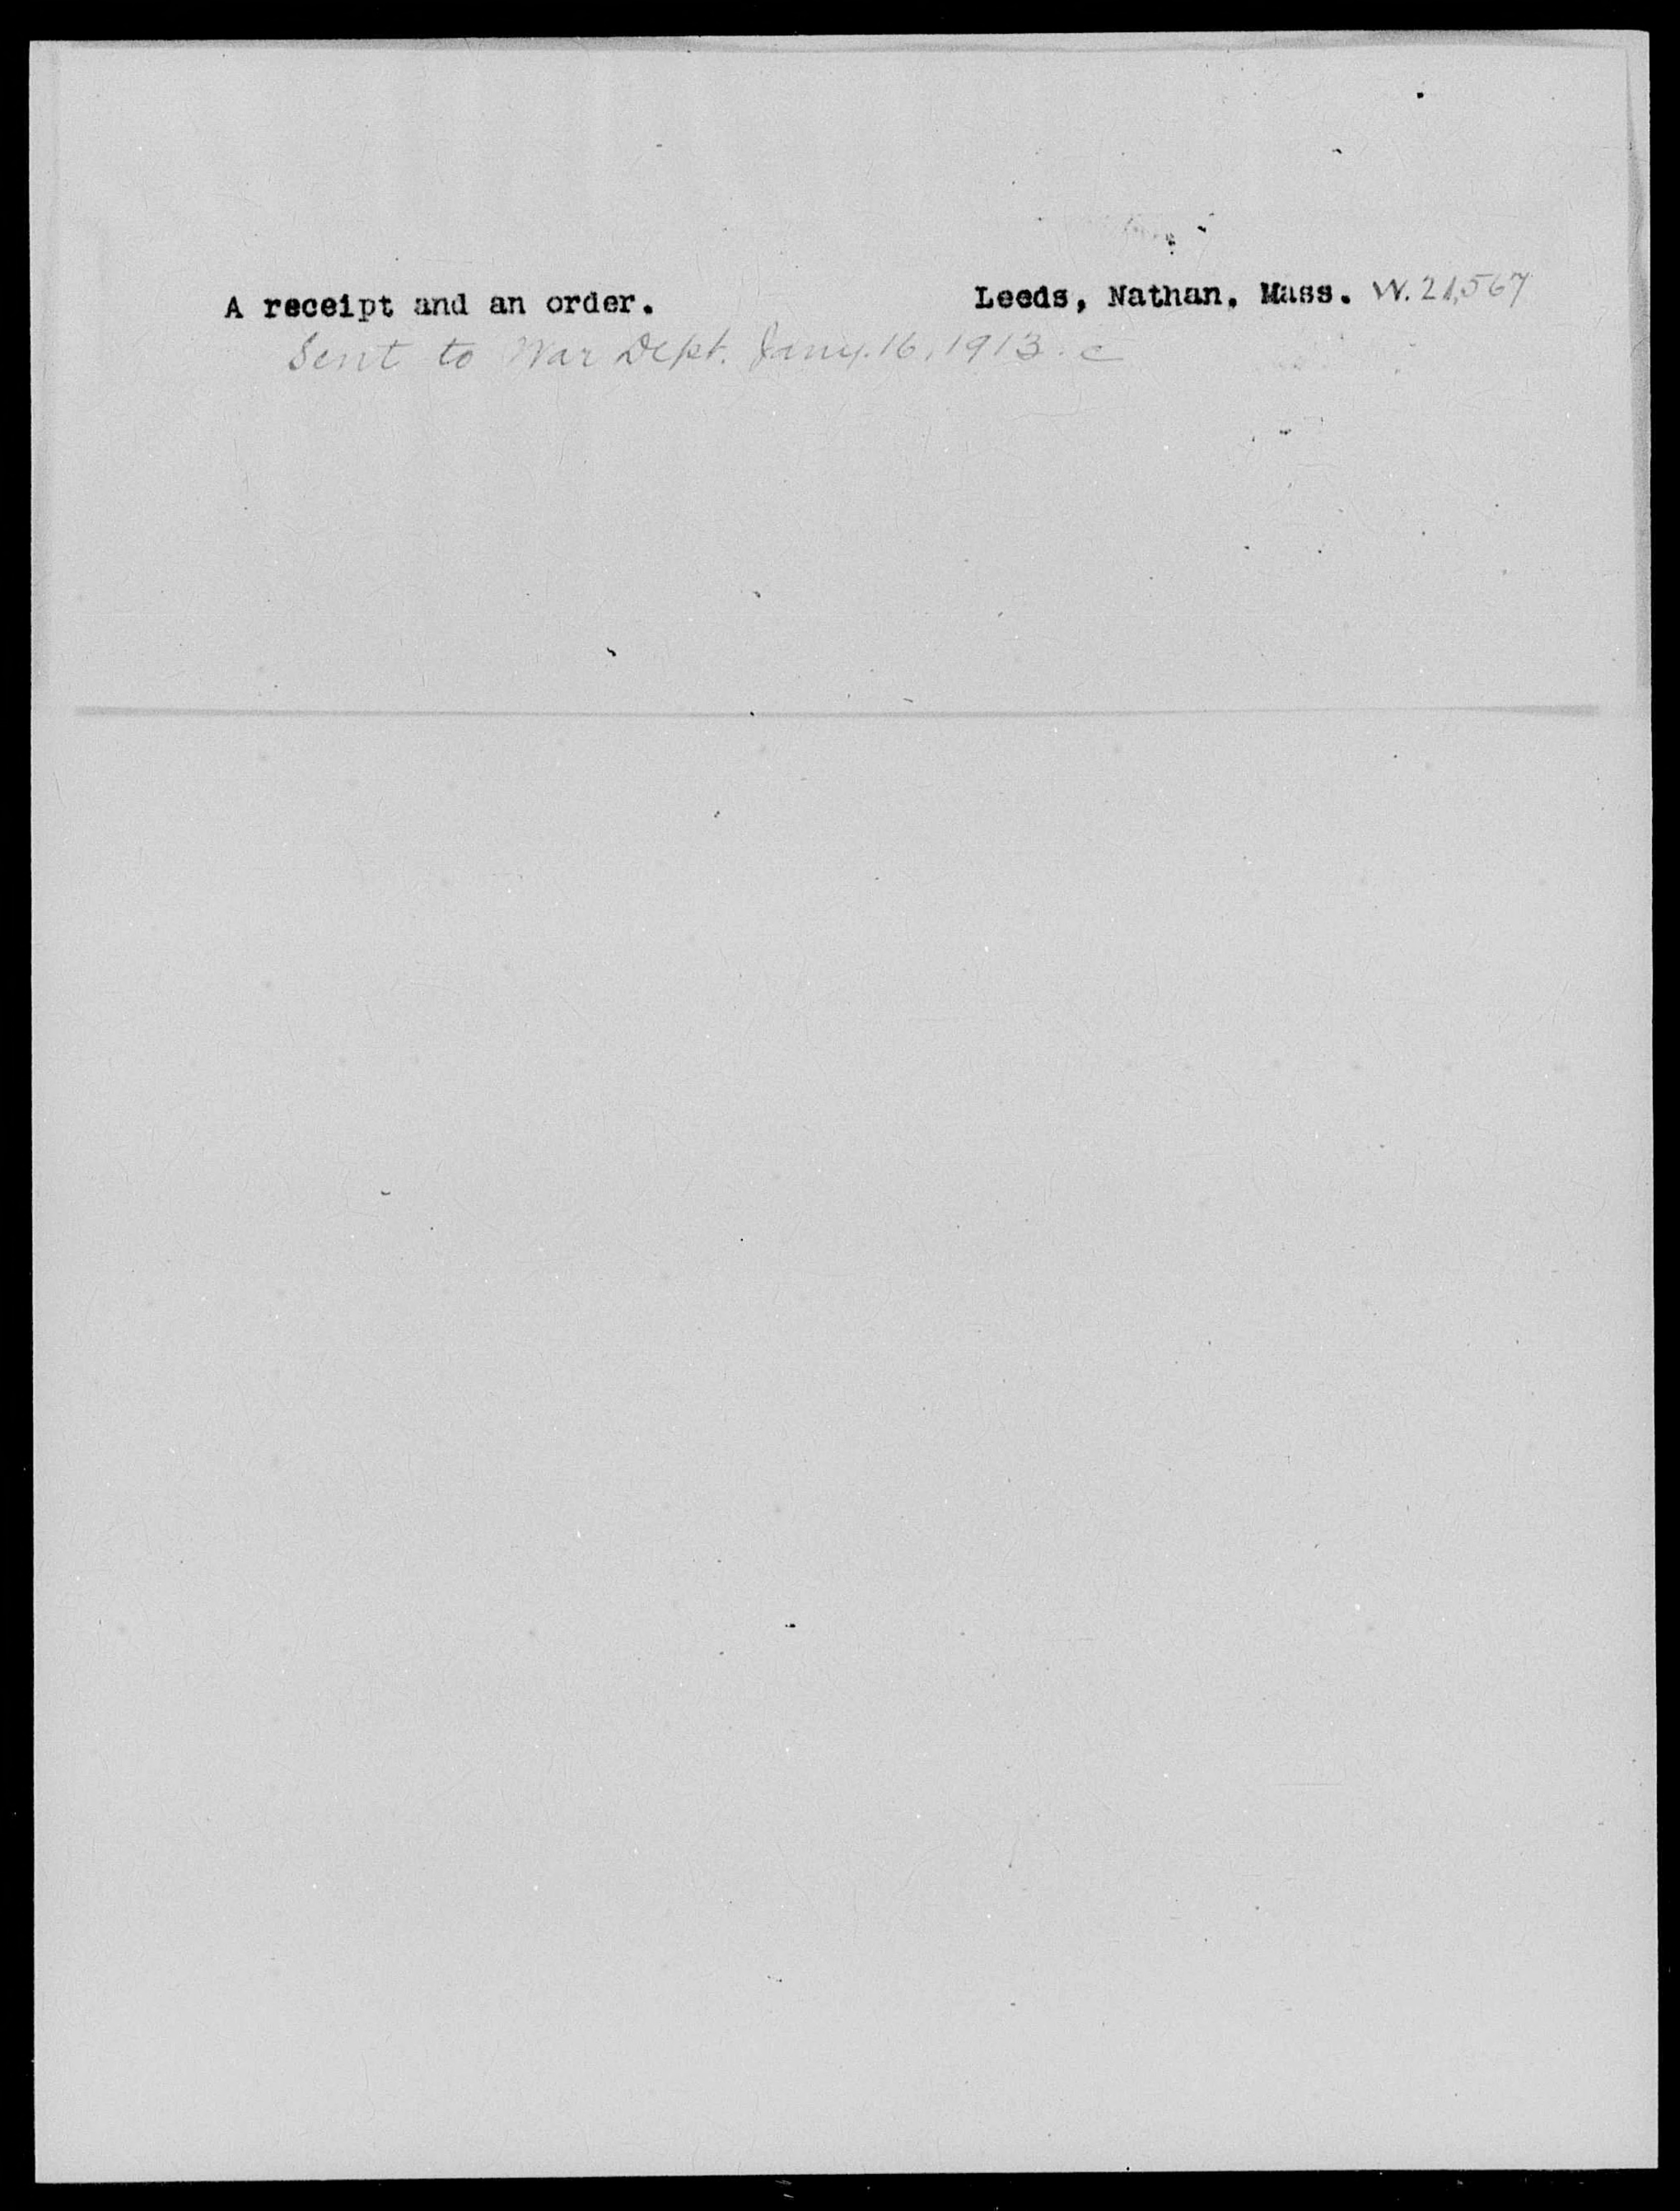A receipt and an order.
Leeds, Nathan, Mass. W. 21,567
sent to War Dept. Jany. 16, 1913.c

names: Nathan Leeds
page: 33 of 33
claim: widow's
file: W. 21,567, for Nathan Leeds, Massachusetts